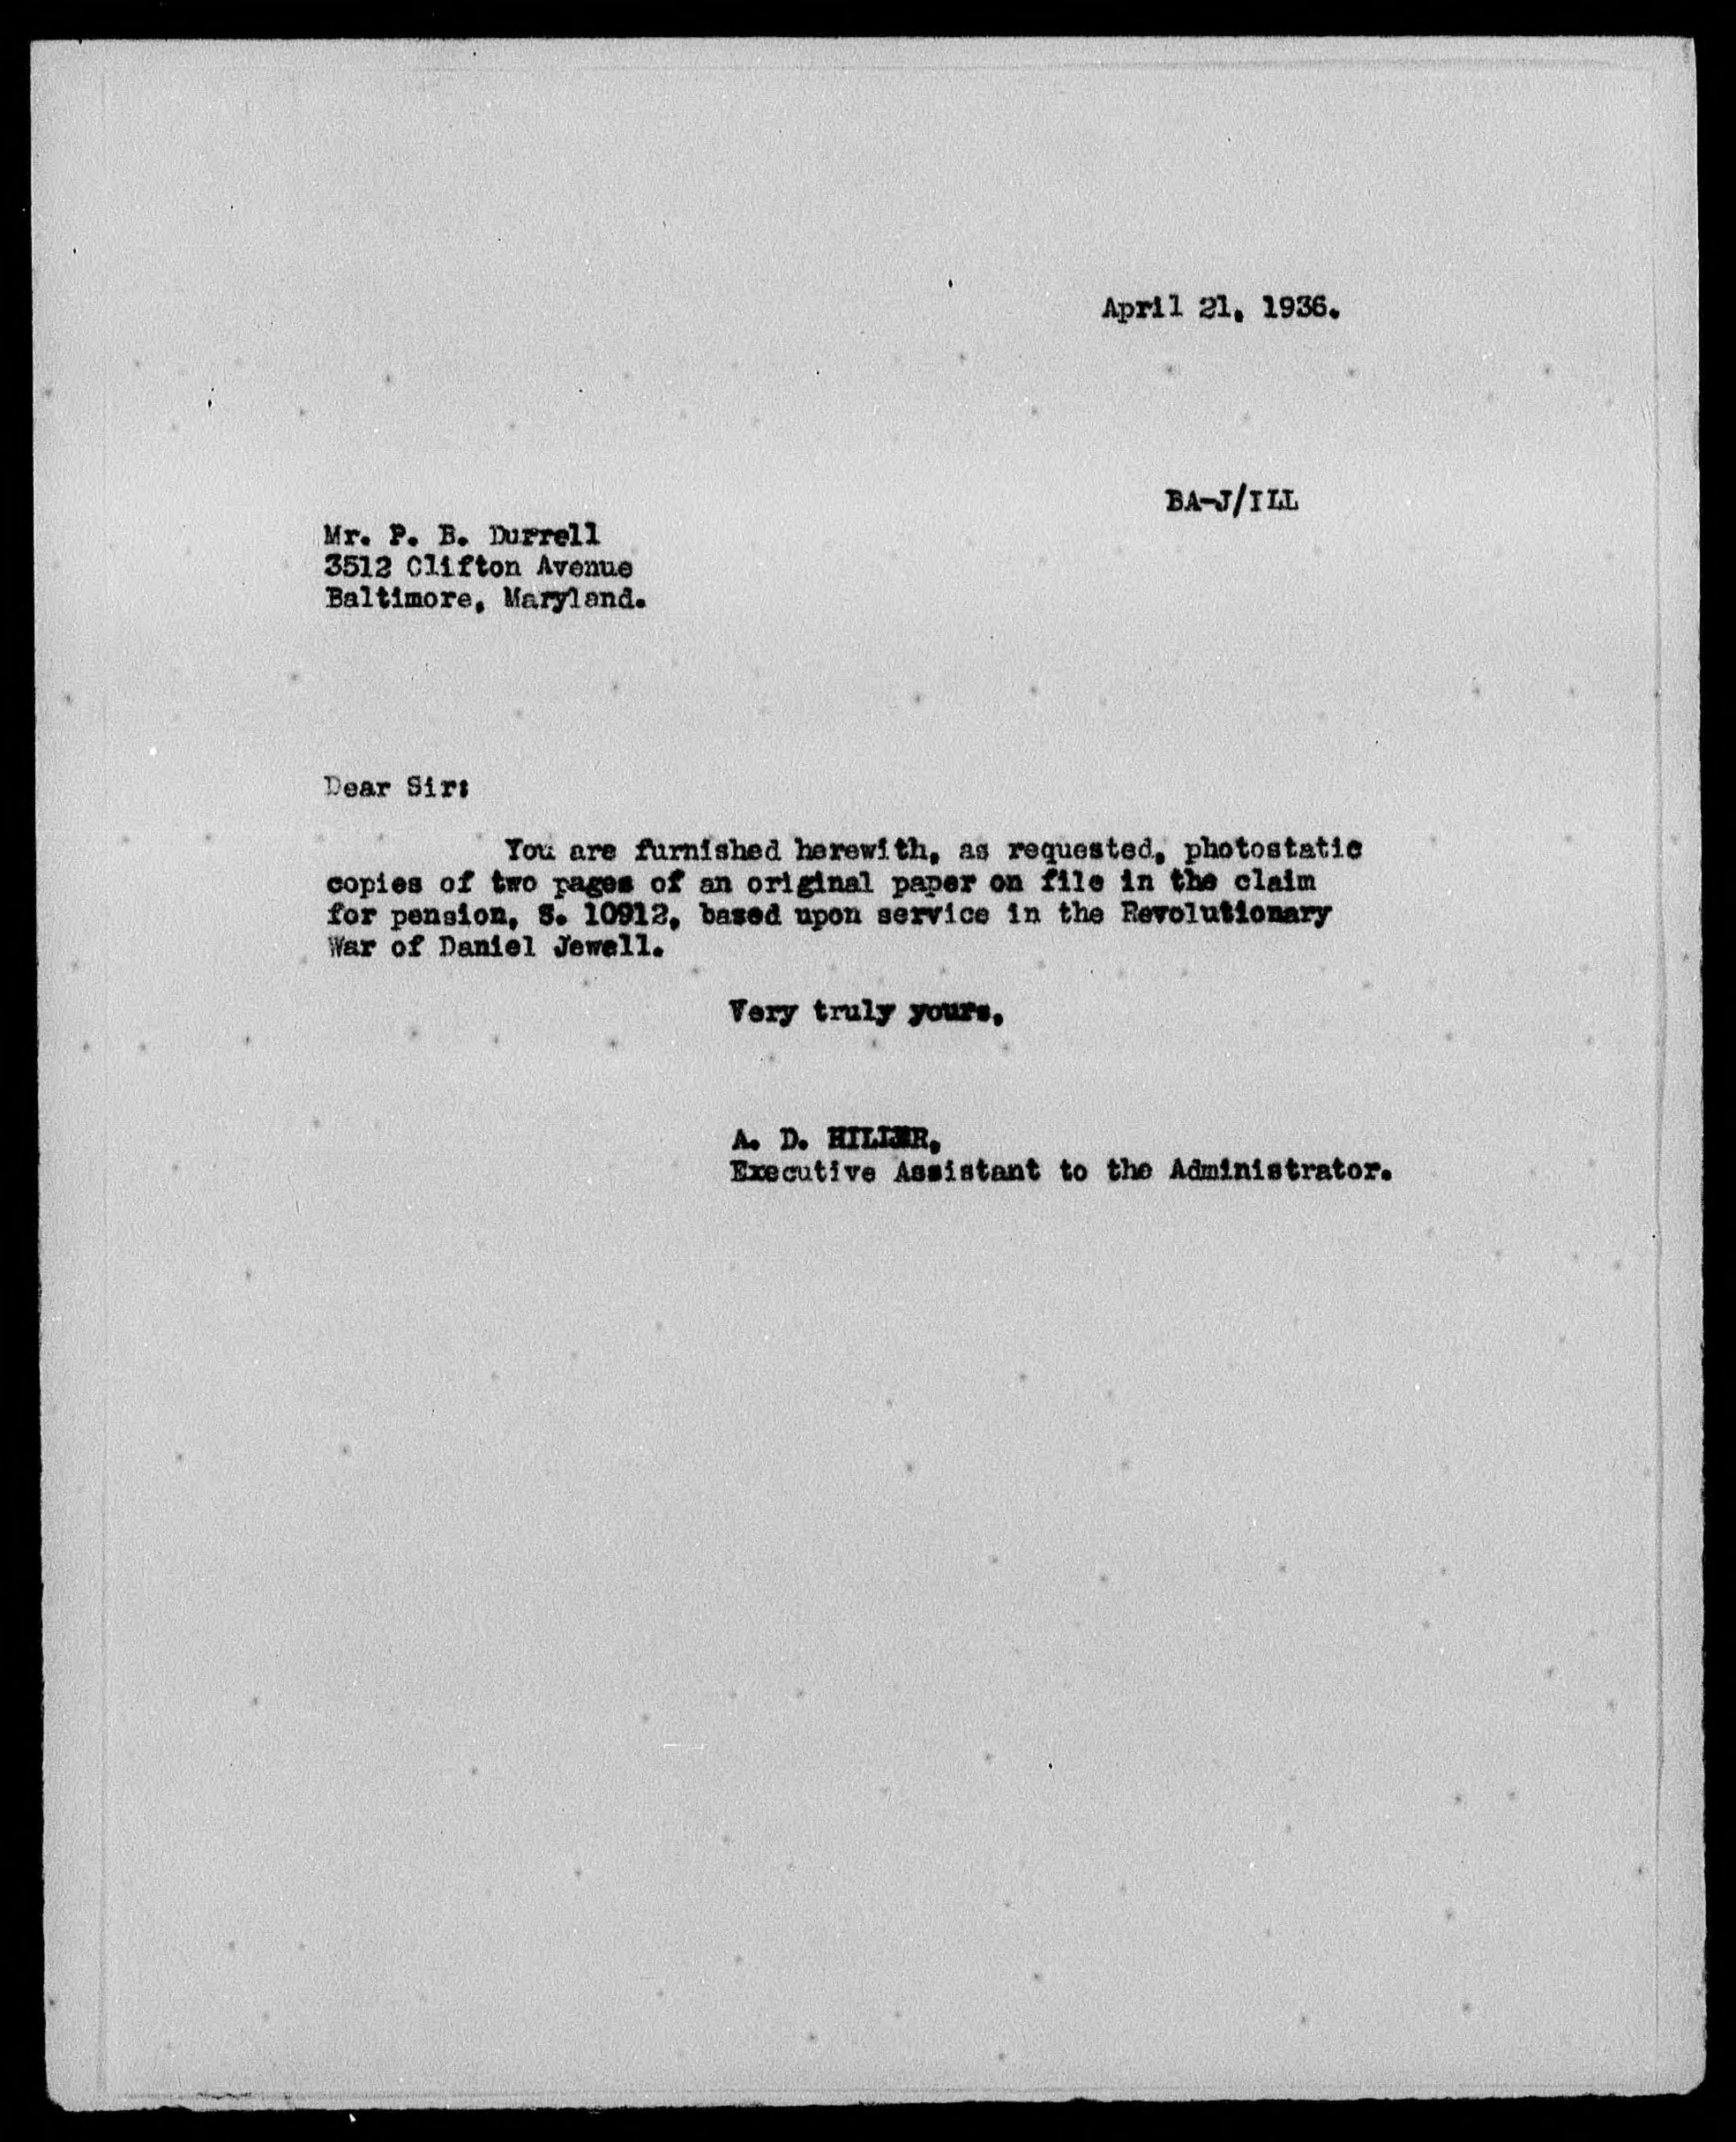April 21, 1936.
BA-J/ILL
Mr. P. B. Durrell
3512 Clifton Avenue
Baltimore, Maryland.

Dear Sir: 

You are furnished herewith, as requested, photostatic copies of two pages of an original paper on file in the claim for pension, S. 10912, based upon service in the Revolutionary War
of Daniel Jewell.
Very truly yours,
A.D. Hiller
Executive Assistant to the Administrator.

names: P B Durrell; Daniel Jewell; A D Hiller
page: 30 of 35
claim: survivor's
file: S. 10912, for Daniel Jewell, New Hampshire